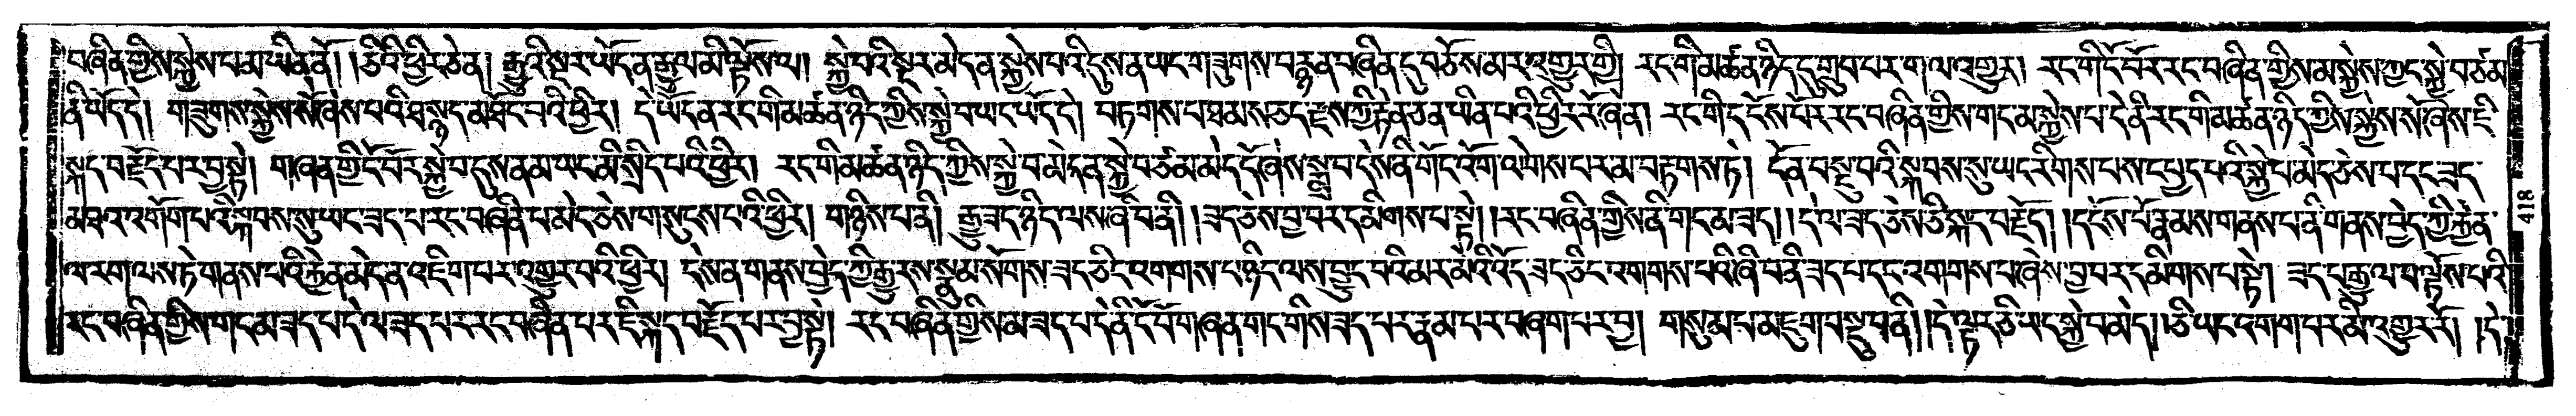བཞིན་གྱིས་སྐྱེས་པ་མ་ཡིན་ནོ། །ཅིའི་ཕྱིར་ཅེ་ན། རྒྱུའི་སྔར་ཡོད་ན་རྒྱུ་ལ་མི་ལྟོས་ལ། སྐྱེ་བའི་སྔར་མེད་ན་སྐྱེས་པའི་དུས་ན་ཡང་གཟུགས་བརྙན་བཞིན་དུ་བཅོས་མར་འགྱུར་གྱི། རང་གི་མཚན་ཉིད་དུ་གྲུབ་པར་ག་ལ་འགྱུར། རང་གི་ངོ་བོར་རང་བཞིན་གྱིས་མ་སྐྱེས་ཀྱང་སྐྱེ་བ་ཙམ་
ནི་ཡོད་དེ། གཟུགས་སྐྱེས་སོ་ཞེས་པའི་ཐ་སྙད་མཐོང་བའི་ཕྱིར། དེ་ཡོད་ན་རང་གི་མཚན་ཉིད་ཀྱིས་སྐྱེ་བ་ཡང་ཡོད་དེ། བཏགས་པ་ཐམས་ཅད་རྫས་ཀྱི་རྟེན་ཅན་ཡིན་པའི་ཕྱིར་རོ་ཞེ་ན། རང་གི་དངོས་པོར་རང་བཞིན་གྱིས་གང་མ་སྐྱེས་པ་དེ་ནི་རང་གི་མཚན་ཉིད་ཀྱིས་སྐྱེས་སོ་ཞེས་ཇི་
སྐད་བརྗོད་པར་བྱ་སྟེ། གཞན་གྱི་ངོ་བོར་སྐྱེ་བ་དུས་ནམ་ཡང་མི་སྲིད་པའི་ཕྱིར། རང་གི་མཚན་ཉིད་ཀྱིས་སྐྱེ་བ་མེད་ན་སྐྱེ་བ་ཙམ་མེད་དོ་ཞེས་སྨྲ་བ་དེས་ནི་གོང་འོག་ལེགས་པར་མ་བརྟགས་ཏེ། དོན་བསྡུ་བའི་སྐབས་སུ་ཡང་རིགས་པས་དཔྱད་པའི་སྐྱེ་བ་མེད་ཅེས་པ་དང་ཟད་
མཐའ་འགོག་པའི་སྐབས་སུ་ཡང་ཟད་པ་རང་བཞིན་པ་མེད་ཅེས་གསུངས་པའི་ཕྱིར། གཉིས་པ་ནི། རྒྱུ་ཟད་ཉིད་ལས་ཞི་བ་ནི། །ཟད་ཅེས་བྱ་བར་དམིགས་པ་སྟེ། །རང་བཞིན་གྱིས་ནི་གང་མ་ཟད། །དེ་ལ་ཟད་ཅེས་ཅི་སྐད་བརྗོད། །དངོས་པོ་རྣམས་གནས་པ་ནི་གནས་བྱེད་ཀྱི་རྐྱེན་
ལ་རག་ལས་ཏེ་གནས་པའི་རྐྱེན་མེད་ན་འཇིག་པར་འགྱུར་བའི་ཕྱིར། དེས་ན་གནས་བྱེད་ཀྱི་རྒྱུ་རས་སྣུམ་སོགས་ཟད་ཅིང་འགགས་པ་ཉིད་ལས་བྱུང་བའི་མར་མེའི་འོད་ཟད་ཅིང་འགགས་པའི་ཞི་བ་ནི་ཟད་པ་དང་འགགས་པ་ཞེས་བྱ་བར་དམིགས་པ་སྟེ། ཟད་པ་རྒྱུ་ལ་བལྟོས་པའི་
རང་བཞིན་གྱིས་གང་མ་ཟད་པ་དེ་ལ་ཟད་པར་རང་བཞིན་པར་ཇི་སྐད་བརྗོད་པར་བྱ་སྟེ། རང་བཞིན་གྱིས་མ་ཟད་པ་དེ་ནི་ངོ་བོ་གཞན་གང་གིས་ཟད་པར་རྣམ་པར་བཞག་པར་བྱ། གསུམ་པ་མཇུག་བསྡུ་བ་ནི། །དེ་ལྟར་ཅི་ཡང་སྐྱེ་བ་མེད། །ཅི་ཡང་འགག་པར་མི་འགྱུར་རོ། །དེ་